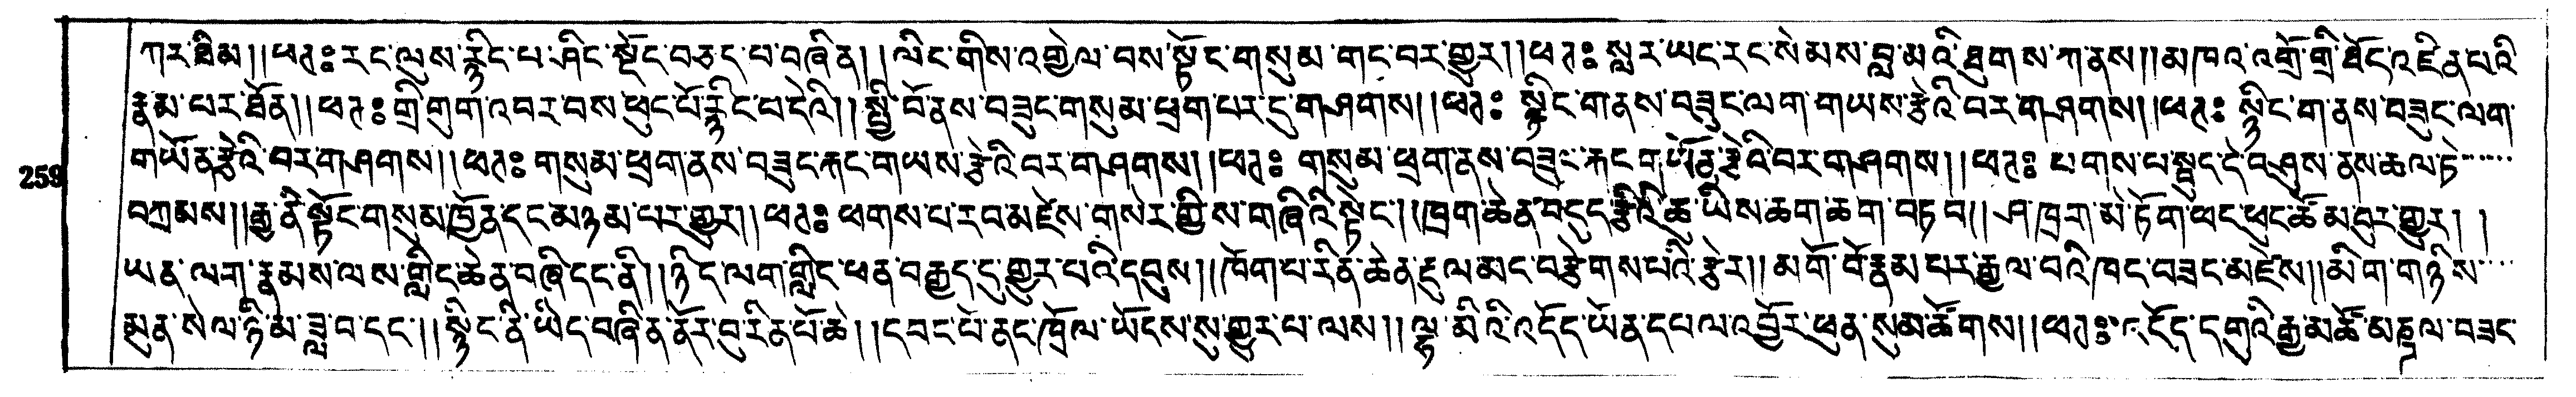ཀར་ཐིམ། །ཕཊཿ རང་ལུས་རྙིང་པ་ཤིང་སྡོང་བཅད་པ་བཞིན། །ལིང་གིས་འགྱེལ་བས་སྟོང་གསུམ་གང་བར་གྱུར། །ཕཊཿ སླར་ཡང་རང་སེམས་བླ་མའི་ཐུགས་ཀ་ནས། །མཁའ་འགྲོ་གྲི་ཐོང་འཛིན་པའི་
རྣམ་པར་ཐོན། །ཕཊཿ གྲི་གུག་འབར་བས་ཕུང་པོ་རྙིང་པ་དེའི། །སྤྱི་བོ་ནས་བཟུང་གསུམ་ཕྲག་པར་དུ་གཤགས། །ཕཊཿ སྙིང་ག་ནས་བཟུང་ལག་གཡས་རྩེའི་བར་གཤགས། །ཕཊཿ སྙིང་ག་ནས་བཟུང་ལག་
གཡོན་རྩེའི་བར་གཤགས། །ཕཊཿ གསུམ་ཕྲག་ནས་བཟུང་རྐང་གཡས་རྩེའི་བར་གཤགས། །ཕཊཿ གསུམ་ཕྲག་ནས་བཟུང་རྐང་གཡོན་རྩེའི་བར་གཤགས། །ཕཊཿ པགས་པ་སྦུད་དེ་བཤུས་ནས་ཆལ་ཏེ་
བཀྲམས། །རྒྱ་ནི་སྟོང་གསུམ་ཁྱོན་དང་མཉམ་པར་གྱུར། །ཕཊཿ ཕགས་པ་རབ་མཛེས་གསེར་གྱིས་གཞིའི་སྟེང་། །ཁྲག་ཆེན་བདུད་རྩིའི་ཆུ་ཡིས་ཆག་ཆག་བཏབ། །ཤ་ཁྲག་མེ་ཏོག་ཕང་ཕུང་ཚོམ་བུར་གྱུར། །
ཡན་ལག་རྣམས་ལས་གླིང་ཆེན་བཞི་དང་ནི། །ཉིད་ལག་གླིང་ཕན་བརྒྱད་དུ་གྱུར་པའི་དབུས། །ཁོག་པ་རིན་ཆེན་རྡུལ་མང་བརྩེགས་པའི་རྩེར། །མགོ་བོ་རྣམ་པར་རྒྱལ་བའི་ཁང་བཟང་མཛེས། །མིག་གཉིས་
མུན་སེལ་ཉི་མ་ཟླ་བ་དང་། །སྙིང་ནི་ཡིད་བཞིན་ནོར་བུ་རིན་པོ་ཆེ། །དབང་པོ་ནང་ཁྲོལ་ཡོངས་སུ་གྱུར་པ་ལས། །ལྷ་མིའི་འདོད་ཡོན་དཔལ་འབྱོར་ཕུན་སུམ་ཚོགས། །ཕཊཿ འདོད་དགུའི་རྒྱ་མཚོ་མཎྜལ་བཟང་